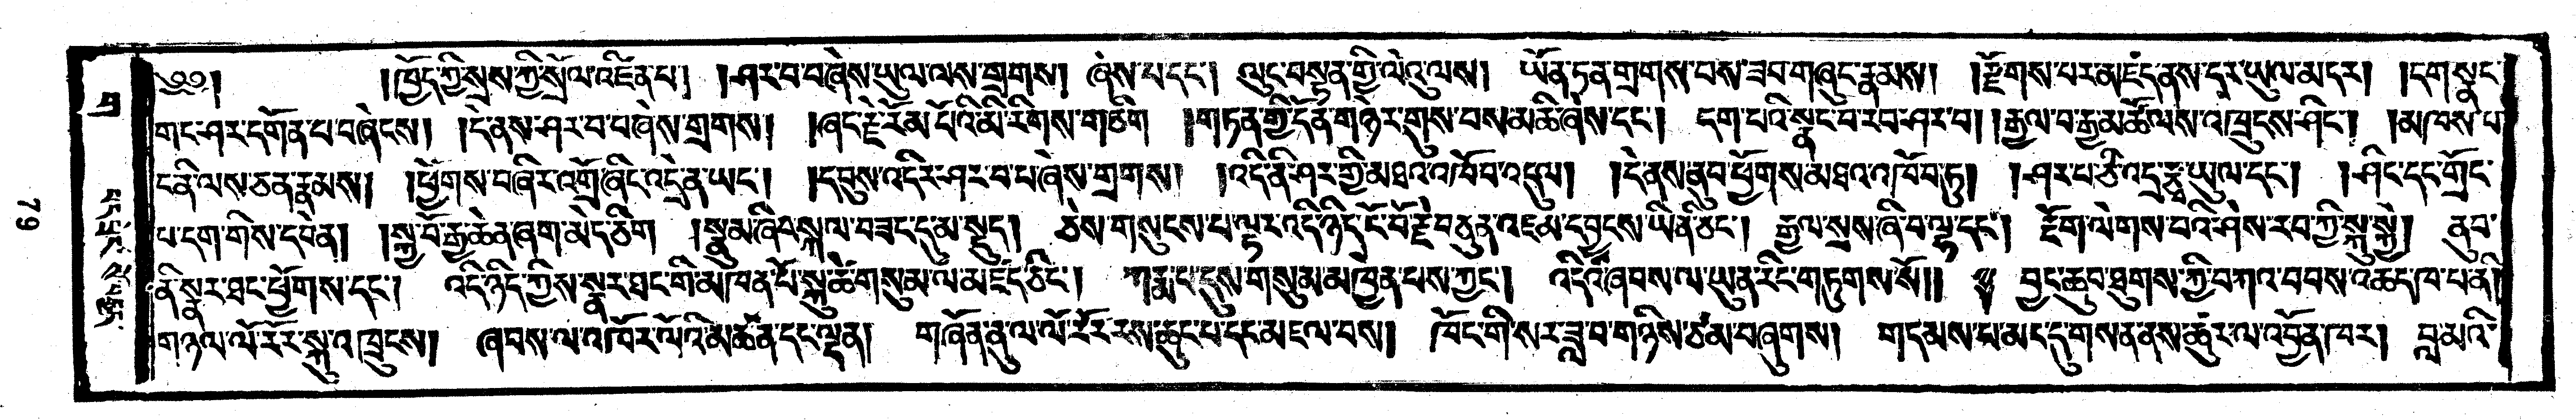༄༅། །ཁྱོད་ཀྱི་སྲས་ཀྱི་སྲོལ་འཛིན་པ། །ཤར་པ་བཞེས་ཡུལ་ལས་གྲགས། ཞེས་པ་དང་། ལུང་བསྟན་གྱི་ལེའུ་ལས། ཡོན་ཏན་གྲགས་པས་ཟབ་གཞུང་རྣམས། །རྫོགས་པར་མཛད་ནས་དར་ཡུལ་མདར། །དག་སྣང་
གང་ཤར་དགོན་པ་བཞེངས། །དེ་ནས་ཤར་བ་པ་ཞེས་གྲགས། །ཞང་རྗེ་རོམ་པོའི་མི་རིགས་གཅིག །གཏན་གྱི་དོན་གཉེར་གུས་བས་མཆི་ཞེས་དང་། དག་པའི་སྣང་བ་རབ་ཤར་བ། །རྒྱལ་བ་རྒྱལ་མཚོ་ལས་འཁྲུངས་ཤིང་། །མཁས་པ་
ང་ནི་ལས་ཅན་རྣམས། །ཕྱོགས་བཞིར་འགྲོ་ཞིང་འདྲན་ཡང་། །དབུས་འདིར་ཤར་བ་པ་ཞེས་གྲགས། །འདི་ནི་ཤར་གྱི་མཐའ་འཁོབ་འདུལ། །དེ་ནས་ནུབ་ཕྱོགས་མཐའ་འཁོབ་ཏུ། །ཤར་པ་ཙི་འདྲ་རྩྭ་ཡུལ་དང་། །ཤིང་དང་གྲོང་
པ་དག་གིས་དབེན། །སྐྱ་བོ་རྒྱ་ཆེན་ཞག་མེད་ཅིག། །སྣུམ་ཞིབ་སྐལ་བཟང་དུ་མ་སྡུད། ཅེས་གསུངས་པ་ལྟར་འདི་ཉིད་ངོ་བོ་རྗེ་བཙུན་འཇམ་དབྱངས་ཡིན་ཅིང་། རྒྱལ་སྲས་ཞི་བ་ལྷ་དང་། རྡོག་ལེགས་པའི་ཤེས་རབ་ཀྱི་སྐུ་སྐྱེ། ནུབ་
ནི་སྣར་ཐང་ཕྱོགས་དང་། འདི་ཉིད་ཀྱིས་སྣར་ཐང་གི་མཁན་པོ་སྐུ་ཚེ་གསུམ་ལ་མཛད་ཅིང་། ཀརྨ་པ་དུས་གསུམ་མཁྱེན་པས་ཀྱང་། འདིའི་ཞབས་ལ་ཡུན་རིང་གཏུགས་སོ།། ༈ བྱང་ཆུབ་ཐུགས་ཀྱི་བཀའ་བབས་འཆད་ཁ་པ་ནི།
གཉལ་ལོ་རོར་སྐུ་འཁྲུངས། ཞབས་ལ་འཁོར་ལོའི་མཚན་དང་ལྡན། གཞོན་ནུ་ལ་ལོ་རོར་རས་ཆུང་བ་དང་མཇལ་བས། ཁོང་གི་སར་ཟླ་བ་གཉིས་ཙམ་བཞུགས། གདམས་པ་མང་དུ་གསན་ནས་ཚུར་ལ་འབྱོན་ཁར། བླ་མའི་